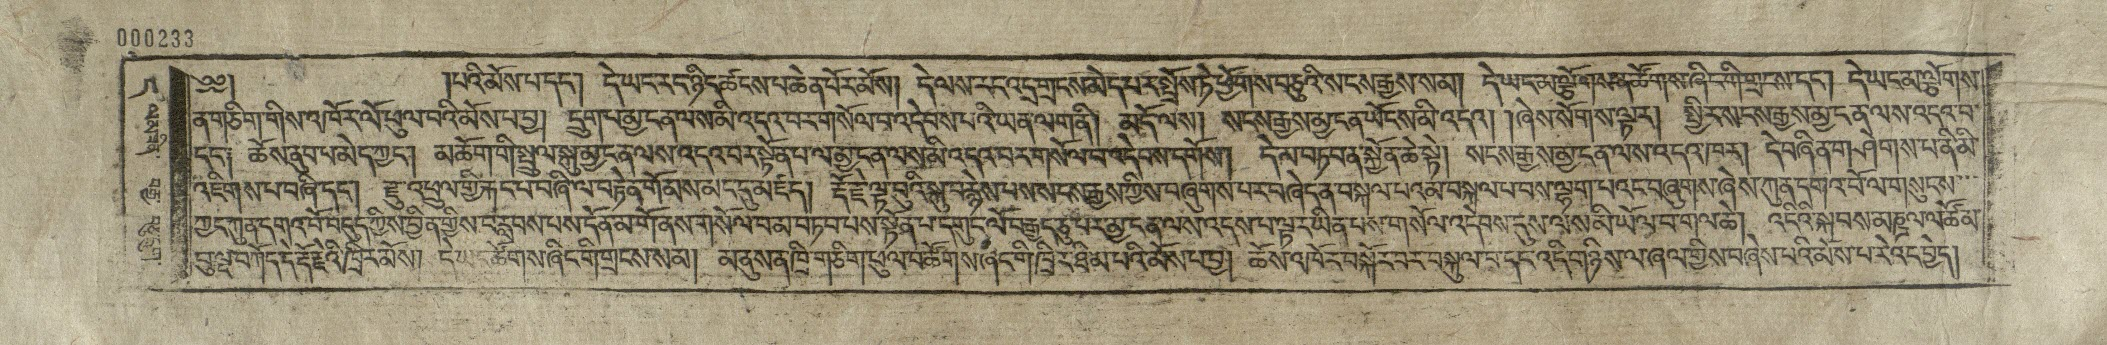༄༅། །པའི་མོས་པ་དང་། དེ་ཡང་རང་ཉིད་ཚངས་པ་ཆེན་པོར་མོས། དེ་ལས་རང་འདྲ་གྲངས་མེད་པར་སྤྲོས་ཏེ་ཕྱོགས་བཅུའི་སངས་རྒྱས་སམ། དེ་ཡང་མ་ལྕོགས་ན་ཚོགས་ཞིང་གི་གྲངས་དང་། དེ་ཡང་མ་ལྕོགས་
ན་གཅིག་གིས་འཁོར་ལོ་ཕུལ་བའི་མོས་པ་བྱ། དྲུག་པ་མྱ་ངན་ལས་མི་འདའ་བར་གསོལ་བ་འདེབས་པའི་ཡན་ལག་ནི། མདོ་ལས། སངས་རྒྱས་མྱ་ངན་ཡོངས་མི་འདའ། །ཞེས་སོགས་ལྟར། སྤྱིར་སངས་རྒྱས་མྱ་ངན་ལས་འདའ་བ་
དང༑ ཆོས་ནུབ་པ་མེད་ཀྱང་། མཆོག་གི་སྤྲུལ་སྐུ་མྱ་ངན་ལས་འདའ་བར་སྟོན་པ་ལ་མྱ་ངན་ལས་མི་འདའ་བར་གསོལ་བ་འདེབས་དགོས། དེ་མ་བཏབ་ན་སྐྱོན་ཆེ་སྟེ། སངས་རྒྱས་མྱ་ངན་ལས་འདའ་ཁར། དེ་བཞིན་གཤེགས་པ་ནི་མི་
འཇིགས་པ་བཞི་དང་། རྫུ་འཕྲུལ་གྱི་རྐང་པ་བཞི་ལ་བརྟེན་གོམས་མང་དུ་མཛད། རྡོ་རྗེ་ལྟ་བུའི་སྐུ་བརྙེས་པས་སངས་རྒྱས་ཀྱིས་བཞུགས་པར་བཞེད་ན་བསྐལ་པའམ་བསྐལ་པ་བས་ལྷག་པའང་བཞུགས་ཞེས་ཀུན་དགའ་བོ་ལ་གསུངས་
ཀྱང་ཀུན་དགའ་བོ་བདུད་ཀྱིས་བྱིན་གྱིས་བརླབས་པས་དོན་མ་གོ་ནས་གསོལ་བ་མ་བཏབ་པས་སྟོན་པ་དགུང་ལོ་བརྒྱད་ཅུ་པར་མྱ་ངན་ལས་འདས་པ་ལྟར་ཡིན་པས་གསོལ་འདེབས་དུས་ལས་མི་ཡོལ་བ་གལ་ཆེ། འདིའི་སྐབས་མཎྜལ་ལ་ཚོམ་
བུ་ལྔ་བཀོད་དེ་རྡོ་རྗེའི་ཁྲིར་མོས། དེ་ཡང་ཚོགས་ཞིང་གི་གྲངས་སམ། མ་ནུས་ན་ཁྲི་གཅིག་ཕུལ་བ་ཚོགས་ཞིང་གི་ཁྲིར་ཐིམ་པའི་མོས་པ་བྱ། ཆོས་འཁོར་བསྐོར་བར་བསྐུལ་བ་དང་འདི་གཉིས་ལ་ཞལ་གྱིས་བཞེས་པའི་མོས་པ་རེ་འང་བྱེད།